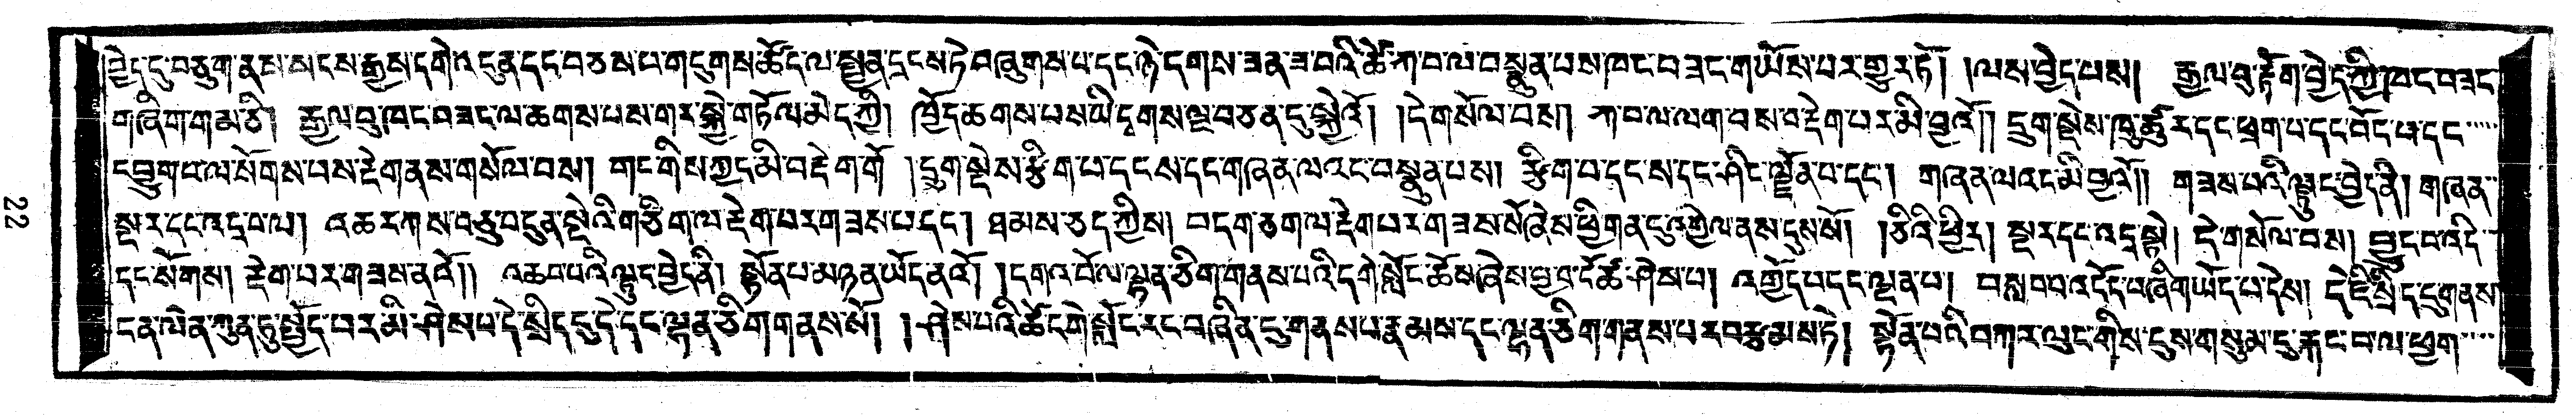བྱེད་དུ་བཅུག་ནས་སངས་རྒྱས་དགེ་འདུན་དང་བཅས་པ་གདུགས་ཚོད་ལ་སྤྱན་དྲངས་ཏེ་བཞུགས་པ་དང་ཉེ་དགས་ཟན་ཟ་བའི་ཚེ་ཀ་བ་ལ་བསྣུན་པས་ཁང་བཟང་གཡོས་པར་གྱུར་ཏོ། །ལས་བྱེད་པས། རྒྱལ་བུ་རྟོག་བྱེད་ཀྱི་ཁང་བཟང་
གཞིག་གམ་ཅི། རྒྱལ་བུ་ཁང་བཟང་ལ་ཆགས་པས་གར་སྐྱེ་གཏོལ་མེད་ཀྱི། ཁྱོད་ཆགས་པས་ཡི་དྭགས་ལྔ་བ་ཅན་དུ་སྐྱེའོ། །དེ་གསོལ་བས། ཀ་བ་ལ་ལག་བས་བརྡེག་པར་མི་བྱའོ།། དྲུག་སྡེས་ཁུ་ཚུར་དང་ཕྲག་པ་དང་བོང་པ་དང་
དབྱུག་པ་ལ་སོགས་པས་རྡེག་ནས་གསོལ་བས། གང་གིས་ཀྱང་མི་བརྡེག་གོ །དྲུག་སྡེས་རྩིག་པ་དངས་དང་གཞན་ལའང་བསྣུན་པས། རྩིག་པ་དང་ས་དང་ཤིང་ལྗོན་པ་དང་། གཞན་ལའང་མི་བྱའོ།། གཟས་པའི་ལྟུང་བྱེད་ནི། གཞན་
སྔར་དང་འདྲ་བ་ལ། འཆར་ཀས་བཅུ་བདུན་སྡེའི་གཅིག་ལ་རྡེག་པར་གཟས་པ་དང་། ཐམས་ཅད་ཀྱིས། བདག་ཅག་ལ་རྡེག་པར་གཟས་སོ་ཞེས་ཕྱི་གན་དུ་འགྱེལ་ནས་དུས་སོ། །ཅིའི་ཕྱིར། སྔར་དང་འདྲ་སྟེ། དེ་གསོལ་བས། བྱུང་བ་འདི་
དང་སོགས། རྡེག་པར་གཟས་ནའོ།། འཆབ་པའི་ལྟུང་བྱེད་ནི། སྟོན་པ་མཉན་ཡོད་ནའོ། །དགའ་བོ་ལ་ལྷན་ཅིག་གནས་པའི་དགེ་སློང་ཆོས་ཞེས་བྱ་བ་ངོ་ཚ་ཤེས་པ། འགྱོད་པ་དང་ལྡན་པ། བསླབ་བ་འདོད་པ་ཞིག་ཡོད་པ་དེས། དེ་ཇི་སྲིད་དུ་གནས་
ངན་ལེན་ཀུན་ཏུ་སྤྱོད་པར་མི་ཤེས་པ་དེ་སྲིད་དུ་དེ་དང་ལྷན་ཅིག་གནས་སོ། །ཤེས་པའི་ཚེ་དགེ་སློང་རང་བཞིན་དུ་གནས་པ་རྣམས་དང་ལྷན་ཅིག་གནས་པར་བརྩམས་ཏེ། སྟོན་པའི་བཀར་ལུང་གིས་དུས་གསུམ་དུ་རྐང་བ་ལ་ཕྱག་